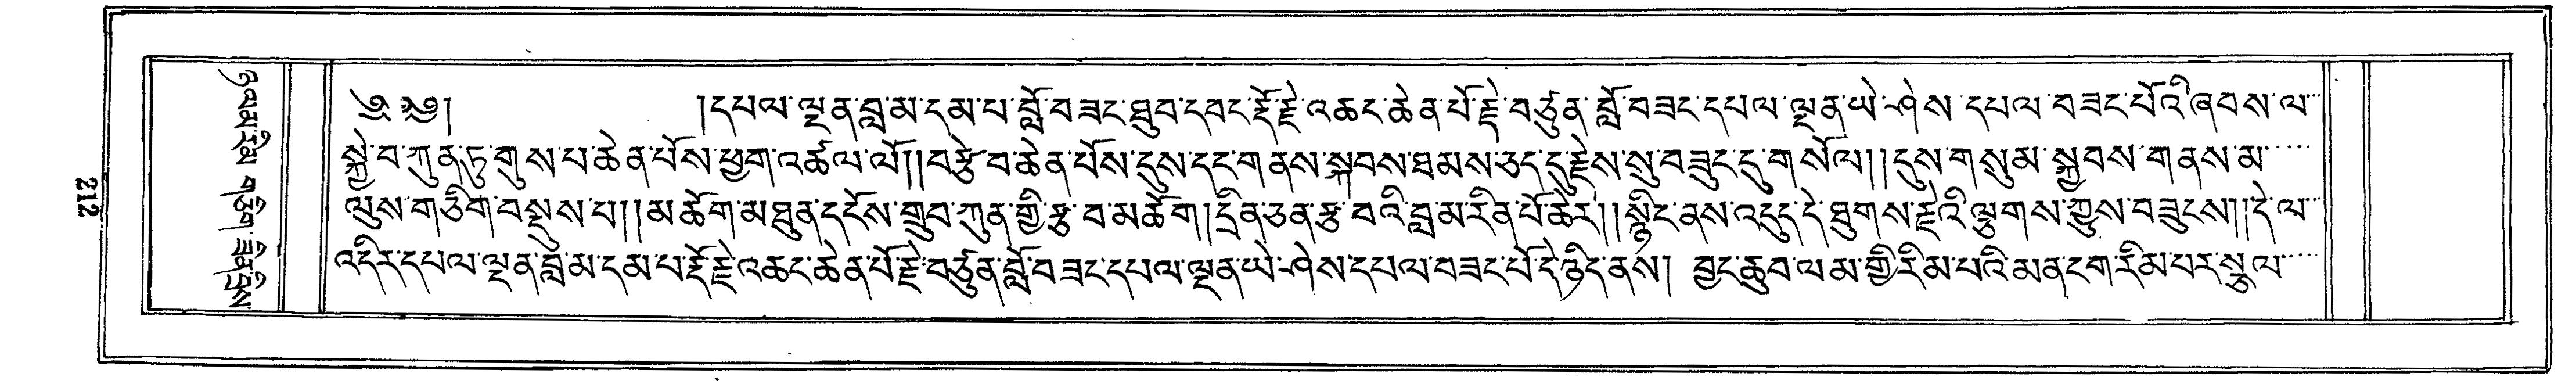༄༅༅། །དཔལ་ལྡན་བླ་མ་དམ་པ་བློ་བཟང་ཐུབ་དབང་རྡོ་རྗེ་འཆང་ཆེན་པོ་རྗེ་བཙུན་བློ་བཟང་དཔལ་ལྡན་ཡེ་ཤེས་དཔལ་བཟང་པོའི་ཞབས་ལ་
སྐྱེ་བ་ཀུན་ཏུ་གུས་པ་ཆེན་པོས་ཕྱག་འཚལ་ལོ། །བརྩེ་བ་ཆེན་པོས་དུས་དང་གནས་སྐབས་ཐམས་ཅད་དུ་རྗེས་སུ་བཟུང་དུ་གསོལ། །དུས་གསུམ་སྐྱབས་གནས་མ་
ལུས་གཅིག་བསྡུས་པ། །མཆོག་མཐུན་དངོས་གྲུབ་ཀུན་གྱི་རྩ་བ་མཆོག། དྲིན་ཅན་རྩ་བའི་བླ་མ་རིན་པོ་ཆེར། །སྙིང་ནས་འདུད་དོ་ཐུགས་རྗེའི་ལྕགས་ཀྱུས་བཟུངས། །དེ་ལ་
འདིར་དཔལ་ལྡན་བླ་མ་དམ་པ་རྡོ་རྗེ་འཆང་ཆེན་པོ་རྗེ་བཙུན་བློ་བཟང་དཔལ་ལྡན་ཡེ་ཤེས་དཔལ་བཟང་པོ་དེ་ཉིད་ནས། བྱང་ཆུབ་ལམ་གྱི་རིམ་པའི་མན་ངག་རིམ་པར་སྩལ་